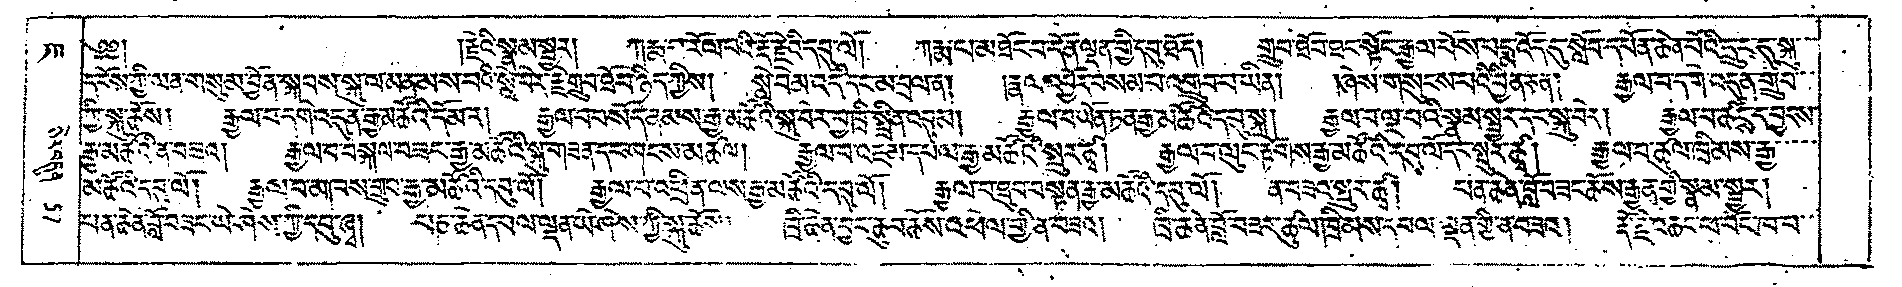༄༅། །རྗེའི་སྣམ་སྦྱར། ཀརྨ་པ་རོལ་པའི་རྡོ་རྗེའི་དབུ་ལོ། ཀརྨ་པ་མཐོང་པ་དོན་ལྡན་གྱི་དབུ་ཐོད། གྲུབ་ཐོབ་ཐང་སྟོང་རྒྱལ་པོས་པདམ་འོད་དུ་སློབ་དཔོན་ཆེན་པོའི་དྲུང་དུ་སྐུ་
དངོས་ཀྱི་ལན་གསུམ་བྱོན་སྐབས་སྐུ་ལ་མནམས་པའི་སླེ་བེར་རྗེ་གྲུབ་ཐོབ་ཉིད་ཀྱིས། སླེ་བེམ་འདི་དང་མ་བྲལ་ན། །རྣལ་འབྱོར་བསམ་པ་འགྲུབ་པ་ཡིན། །ཞེས་གསུངས་པའི་བྱིན་ཅན། རྒྱལ་བ་དགེ་འདུན་གྲུབ་
ཀྱི་སྐུ་ཆོས། རྒྱལ་བ་དགེ་འདུན་རྒྱ་མཚོའི་དོམ་ར། རྒྱལ་བ་བསོད་ནམས་རྒྱ་མཚོའི་སྐུ་བེར་བྱ་ཁྲི་སྤྲིན་འབུམ། རྒྱལ་བ་ཡོན་ཏན་རྒྱ་མཚོའི་དབུ་སྐྲ། རྒྱལ་བ་ལྔ་པའི་སྣམ་སྦྱར་དང་སྐུ་བེར། རྒྱལ་བ་ཚངས་དབྱངས་
རྒྱ་མཚོའི་ན་བཟའ། རྒྱལ་བ་བསྐལ་བཟང་རྒྱ་མཚོའི་སྐུ་གཟན་དང་ཤངས་མཚལ། རྒྱལ་བ་འཇམ་དཔལ་རྒྱ་མཚོའི་སྤུར་ཚྭ། རྒྱལ་བ་ལུང་རྟོགས་རྒྱ་མཚོའི་དབུ་ལོ་དང་སྤུར་ཚྭ། རྒྱལ་བ་ཚུལ་ཁྲིམས་རྒྱ་
མཚོའི་དབུ་ལོ། རྒྱལ་བ་མཁས་གྲུབ་རྒྱ་མཚོའི་དབུ་ལོ། རྒྱལ་བ་འཕྲིན་ལས་རྒྱ་མཚོའི་དབུ་ལོ། རྒྱལ་བ་ཐུབ་བསྟན་རྒྱ་མཚོའི་དབུ་ལོ། ན་བཟའ་སྤུར་ཚྭ། པཎ་ཆེན་བློ་བཟང་ཆོས་རྒྱན་གྱི་སྣམ་སྦྱར།
པན་ཆེན་བློ་བཟང་ཡེ་ཤེས་ཀྱི་དབུ་ཞྭ། པཎ་ཆེན་དཔལ་ལྡན་ཡེ་ཤེས་ཀྱི་སྐུ་ཆོས། ཁྲི་ཆེན་བྱང་ཆུབ་ཆོས་འཕེལ་གྱི་ན་བཟའ། ཁྲི་ཆེན་བློ་བཟང་ཚུལ་ཁྲིམས་དཔལ་ལྡན་གྱི་ན་བཟའ། རྡོ་རྗེ་འཆང་ཕ་བོང་ཁ་པ་